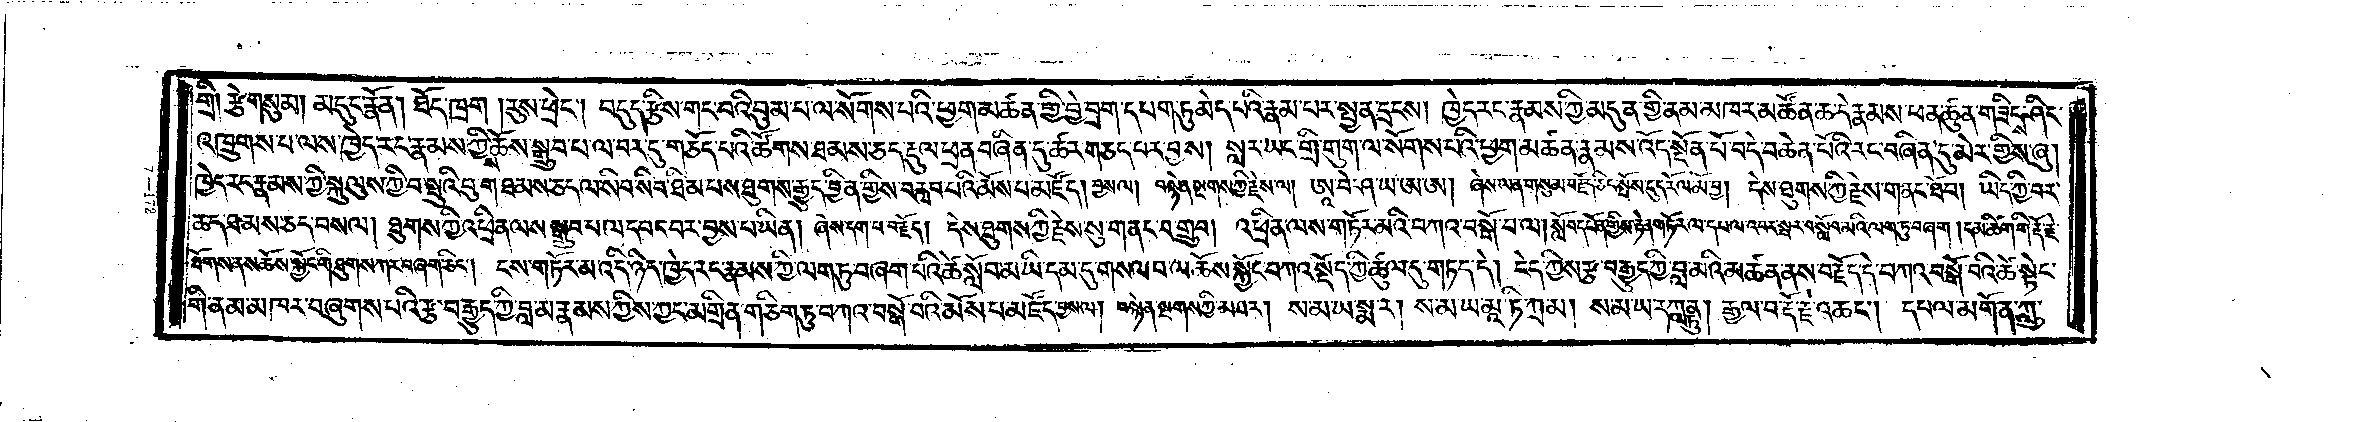གྲི། རྩེ?་གསུམ། མདུང་རྣོན། ཐོད་ཁྲག །ཅུས་ཕྲེང་། བདུད་རྩིས་གང་བའི་བུམ་པ་ལ་སོགས་པའི་ཕྱག་མཚན་གྱི་བྱེ་བྲག་དཔག་ཏུ་མེད་པའི་རྣམ་པར་སྤྱན་དྲངས། ཁྱེད་རང་རྣམས་ཀྱི་མདུན་གྱི་ནམ་མཁར་མཚོན་ཆ་དེ་རྣམས་ཕན་ཚུན་གཟིངས་ཤིང་
འཁྲུགས་པ་ལས་ཁྱེད་རང་རྣམས་ཀྱིས་ཆོས་སྒྲུབ་པ་ལ་བར་དུ་གཅོད་པའི་ཚོགས་ཐམས་ཅད་རྡུལ་ཕྲན་བཞིན་དུ་ཚར་བཅད་པར་བྱས། སླར་ཡང་གྲི་གུག་ལ་སོགས་པའི་ཕྱག་མཚན་རྣམས་འོད་སྔོན་པོ་བདེ་བ་ཆེན་པོའི་རང་བཞིན་དུ་མེར?་གྱིས་ཞུ།
ཁྱེད་རང་རྣམས་ཀྱི་སྐུ་ལུས་ཀྱི་བ་སྤུའི་བུ་ག་ཐམས་ཅད་ལ་སིབ་སིབ་ཐིམ་པས་ཐུགས་རྒྱུད་བྱིན་གྱིས་བརླབ་པའི་མོས་པ་མཛོད། བྱས་ལ། བསྙེན་སྔགས་ཀྱི་རྗེས་ལ།  ཨཱ་བེ་ཤ་ཡ་ཨ་ཨ། ཞེས་ལན་གསུམ་བརྗོད་ཅིང་སྦོས་དུད་རོལ་མོ་བྱ།  དེས་ཐུགས་ཀྱི་རྗེས་གནང་ཐོབ། ཡིད་ཀྱི་བར་
ཆད་ཐམས་ཅད་བསལ། ཐུགས་ཀྱི་འཕྲིན་ལས་སྒྲུབ་པ་ལ་དབང་བར་བྱས་པ་ཡིན། ཞེས་དག་པ་བརྗོད།  དེས་ཐུགས་ཀྱི་རྗེས་སུ་གནང་བ་གྲུབ། འཕྲིན་ལས་གཏོར་མའི་བཀའ་བསྒོ་པ་ལ། སློབ་དཔོན་གྱིས་རྟེན་གཏོང་ལ་དཔལ་འབར་སྤར་བསློབ་མའི་ལག་ཏུ་བཞག །དམ་ཚིག་གི་རྡོ་རྗེ་
ཐོགས་ནས་ཆོས་སྐྱོང་གི་ཐུགས་ཀར་བཞག་ཅིང་། ངས་གཏོར་མ་འདི་ཉིད་ཁྱེད་རང་རྣམས་ཀྱི་ལག་ཏུ་བཞག་པའི་ཚེ་སློབ་མ་ཡི་དམ་དུ་གསལ་བ་ལ་ཆོས་སྐྱོང་བཀའ་སྡོད་ཀྱི་ཚུལ་དུ་གཏད་དེ། ངེད་ཀྱིས་རྩ་བརྒྱུད་ཀྱི་བླ་མའི་མཚན་ནས་བརྗོད་དེ་བཀའ་བསྒོ་བའི་ཚེ་སྟེང་
གི་ནམ་མཁར་བཞུགས་པའི་རྩ་བརྒྱུད་ཀྱི་བླ་མ་རྣམས་ཀྱིས་ཀྱང་མགྲིན་གཅིག་ཏུ་བཀའ་བསྒོ་བའི་མོས་པ་མཛོད་བྱས་ལ། བསྙེན་སྔགས་ཀྱི་མཐར།  ས་མ་ཡ་སྨར། ས་མ་ཡ་མཱ་ཏི་ཀྲ་མ། ས་མ་ཡ་རཀྵནྟུ། རྒྱལ་བ་རྡོ་རྗེ་འཆང་། དཔལ་མགོན་ཀླུ་